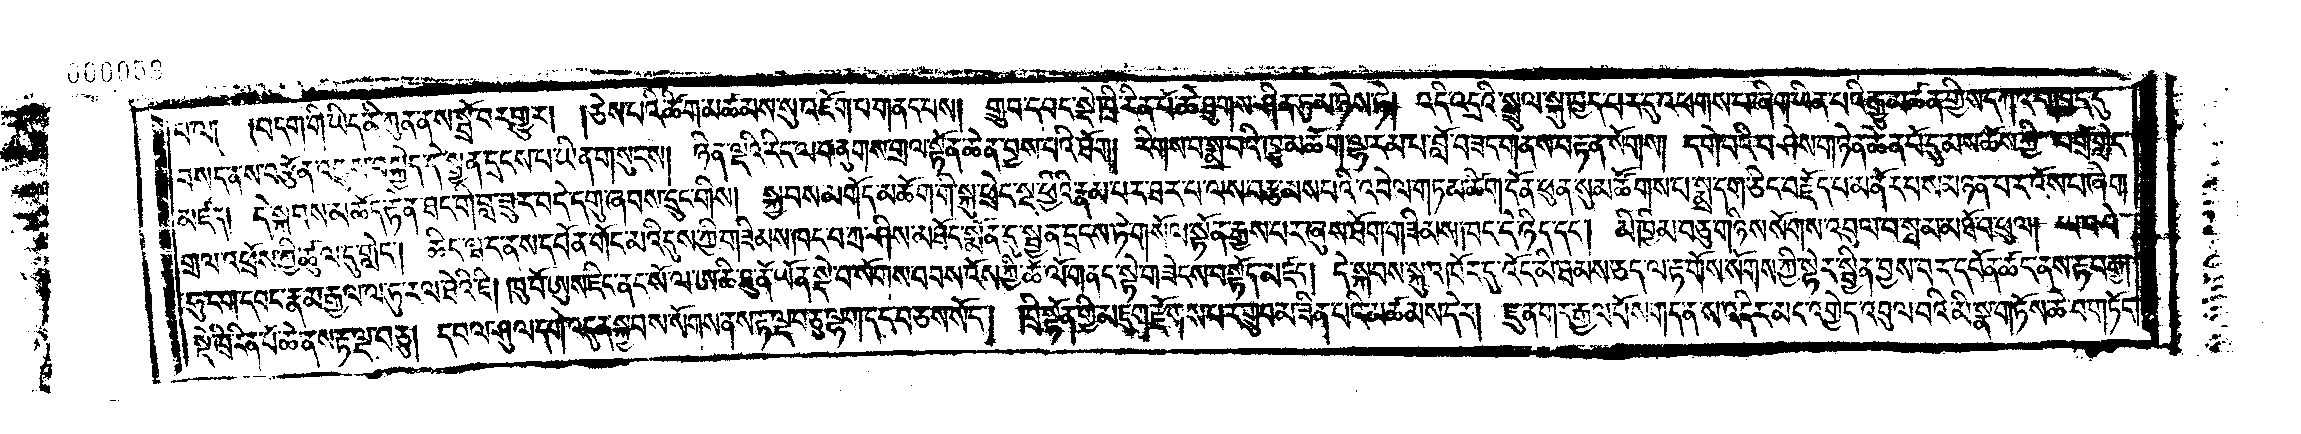པ་ལ༑ ༑བདག་གི་ཡིང་ནི་ཀུན་ནས་སྤྲོ་བར་གྱུར། །ཅེས་པའི་ཚིག་མཚམས་སུ་འཇོག་པ་གནང་བས། གྲུབ་དབང་སྡེ་ཁྲི་རིན་པོ་ཆེ་ཐུགས་ཤིན་ཏུ་མཉེས་ཏེ། འདི་འདྲའི་སྤྲུལ་སྐུ་ཁྱད་པར་དུ་འཕགས་པ་ཞིག་ཡིན་པའི་རྒྱུ་མཚན་གྱིས་དཀའ་བ་ཁྱད་དུ་
བསད་ནས་བརྩོན་འགྲུས་བསྐྱེད་དེ་སྦྱན་དྲངས་པ་ཡིན་གསུངས། ཉིན་ལྔའི་རིང་ལ་བཞུགས་གྲལ་སྟོན་ཆེན་བྱས་པའི་ཐོག། རིགས་པ་སྨྲ་བའི་ཁྱུ་མཆོག་ལྷ་རམ་པ་བློ་བཟང་གནས་བརྟན་སོགས། དགེ་བའི་བཤེས་གཉེན་ཆེན་པོ་དུ་མས་ཆོས་ཀྱི་བགྲོ་གླེང་
མཛད། དེ་སྐབས་མཆོད་རྟེན་ཐང་གི་བླ་ཟུར་བདེ་དགུ་ཞབས་དྲུང་གིས། སྐྱབས་མགོན་མཆོག་གི་སྐུ་ཕྲེང་སྔ་ཕྱིའི་རྣམ་པར་ཐར་པ་ལས་བརྩམས་པའི་འབེལ་གཏམ་ཚིག་དོན་ཕུན་སུམ་ཚོགས་པ་སྨྲ་དག་ཅིང་བརྗོད་པ་མ་ནོར་བས་མཉན་པར་འོས་པ་ཞིག་
གྲལ་འཕྲོས་ཀྱི་ཚུལ་དུ་གླེང་། ཆིང་ཝང་ནས་དཔོན་གོང་མའི་དུས་ཀྱི་གཟིམས་ཁང་བཀྲ་ཤིས་མཐོང་སྨོན་དུ་སྤྱན་དྲངས་ཏེ་གསོལ་སྟོན་རྒྱས་པར་ཞུས་ཐོག་གཟིམས་ཁང་དེ་ཉིད་དང་། མི་ཁྱིམ་བཅུ་གཉིས་སོགས་འབུལ་པ་སྤམ་མཐོ་བ་ཕུལ། ཡབ་བེ་
ཧུ་ངག་དབང་རྣམ་རྒྱལ་ལ་ཏུ་རལ་ཐེའི་ཇི། ཁུ་བོ་ཨུས་ཇིང་ནང་སོ་ལ་ཨ་ཆི་ཐུ་ནོ་ཡོན་སྡེ་བ་སོགས་བབས་འོས་ཀྱི་ཆོ་ལོ་གནང་སྟེ་གཟེངས་བསྟོད་མཛད། དེ་སྐབས་སྐུ་འཁོར་དུ་འོང་མི་ཐམས་ཅད་ལ་རྟ་གོས་སོགས་ཀྱི་སྟེར་སྦྱིན་བྱས་པར་དཔོན་ཚང་ནས་རྟ་བརྒྱ།
སྡེ་ཁྲི་རིན་པོ་ཆེ་ནས་རྟ་ལྔ་བཅུ། དཔལ་ཤུལ་དགེ་འདུན་སྐྱབས་སོགས་ནས་རྟ་ལྔ་བཅུ་ལྷག་དང་བཅས་སོང་། ཁྲི་སྟོན་གྱི་མཇུག་རྫོགས་པར་གྲུབ་མ་ཟིན་པའི་མཚམས་དེར། ཇུན་གར་རྒྱལ་པོས་གདན་ས་འདིར་མང་འགྱེད་འབུལ་བའི་མི་སྣ་གཏོས་ཆེ་བ་གཏོང་